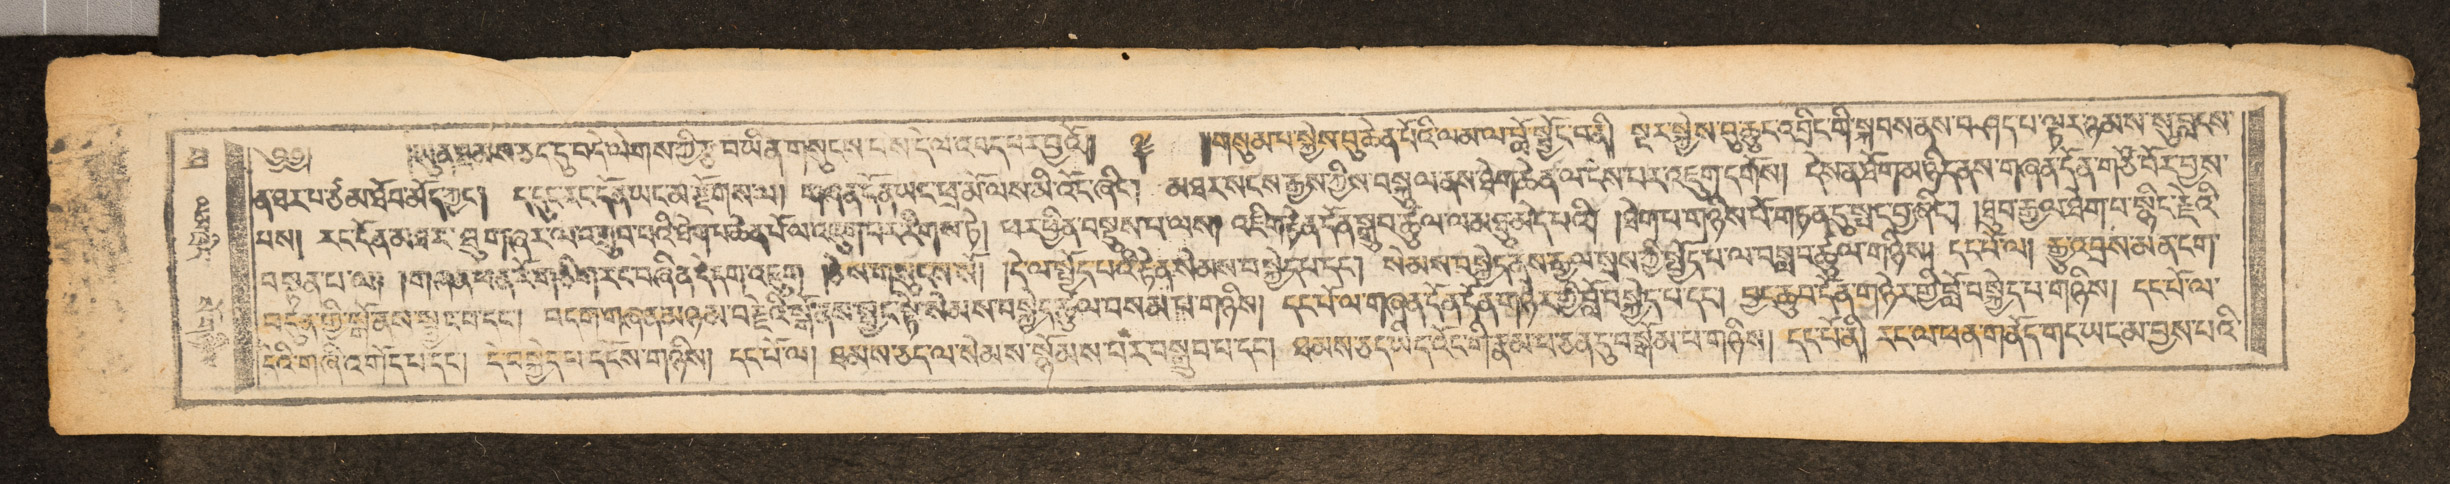༄༅། །ཡུན་ཐམས་ཅད་དུ་བདེ་ལེགས་ཀྱི་རྩ་བ་ཡིན་གསུངས་པས་དེ་ལ་འབད་པར་བྱའོ།། ༈ །།གསུམ་པ་སྐྱེས་བུ་ཆེན་པོའི་ལམ་ལ་བློ་སྦྱོང་བ་ནི། སྔར་སྐྱེས་བུ་ཆུང་འབྲིང་གི་སྐབས་ནས་བཤད་པ་ལྟར་ཉམས་སུ་བླངས་
ན་ཐར་པ་ཙམ་ཐོབ་མོད་ཀྱང་། ད་དུང་རང་དོན་ཡང་མ་རྫོགས་ལ། གཞན་དོན་ཡང་ཕྲ་མོ་ལས་མི་འོང་ཞིང་། མཐར་སངས་རྒྱས་ཀྱིས་བསྐུལ་ནས་ཐེག་ཆེན་ལ་ངེས་པར་འཇུག་དགོས། དེས་ན་ཐོག་མ་ཉིད་ནས་གཞན་དོན་གཙོ་བོར་བྱས་
པས། རང་དོན་མཐར་ཐུག་ཞར་ལ་འགྲུབ་པའི་ཐེག་པ་ཆེན་པོ་ལ་འཇུག་པར་རིགས་ཏེ། ཕར་ཕྱིན་བསྡུས་པ་ལས། འཇིག་རྟེན་དོན་སྒྲུབ་ཚུལ་ལ་མཐུ་མེད་པའི། །ཐེག་པ་གཉིས་པོ་གཏན་དུ་སྤང་བྱ་ཞིང་། །ཐུབ་རྒྱལ་ཐེག་པ་སྙིང་རྗེའི་
བསྟན་པ་ལ། །གཞན་ཕན་རོ་གཅིག་རང་བཞིན་དེ་དག་འཇུག །ཅེས་གསུངས་སོ། །དེ་ལ་སྤྱོད་པའི་རྟེན་སེམས་བསྐྱེད་པ་དང་། སེམས་བསྐྱེད་ནས་རྒྱལ་སྲས་ཀྱི་སྤྱོད་པ་ལ་བསླབ་ཚུལ་གཉིས། དང་པོ་ལ། རྒྱུ་འབྲས་མན་ངག་
བདུན་གྱི་སྒོ་ནས་སྦྱང་པ་དང་། བདག་གཞན་མཉམ་བརྗེའི་སྒོ་ནས་སྦྱང་སྟེ་སེམས་བསྐྱེད་ཚུལ་བསམ་པ་གཉིས། དང་པོ་ལ་གཞན་དོན་དོན་གཉེར་གྱི་བློ་བསྐྱེད་པ་དང་། བྱང་ཆུབ་དོན་གཉེར་གྱི་བློ་བསྐྱེད་པ་གཉིས། དང་པོ་ལ་
དེའི་གཞི་འགད་པ་དང་། དེ་བསྐྱེད་པ་དངོས་གཉིས། དང་པོ་ལ། ཐམས་ཅད་ལ་སེམས་སྙོམས་པར་བསྒྲུབ་པ་དང་། ཐམས་ཅད་ཡིད་འོང་གི་རྣམ་པ་ཅན་དུ་བསྒོམ་པ་གཉིས། དང་པོ་ནི། རང་ལ་ཕན་གནོད་གང་ཡང་མ་བྱས་པའི་